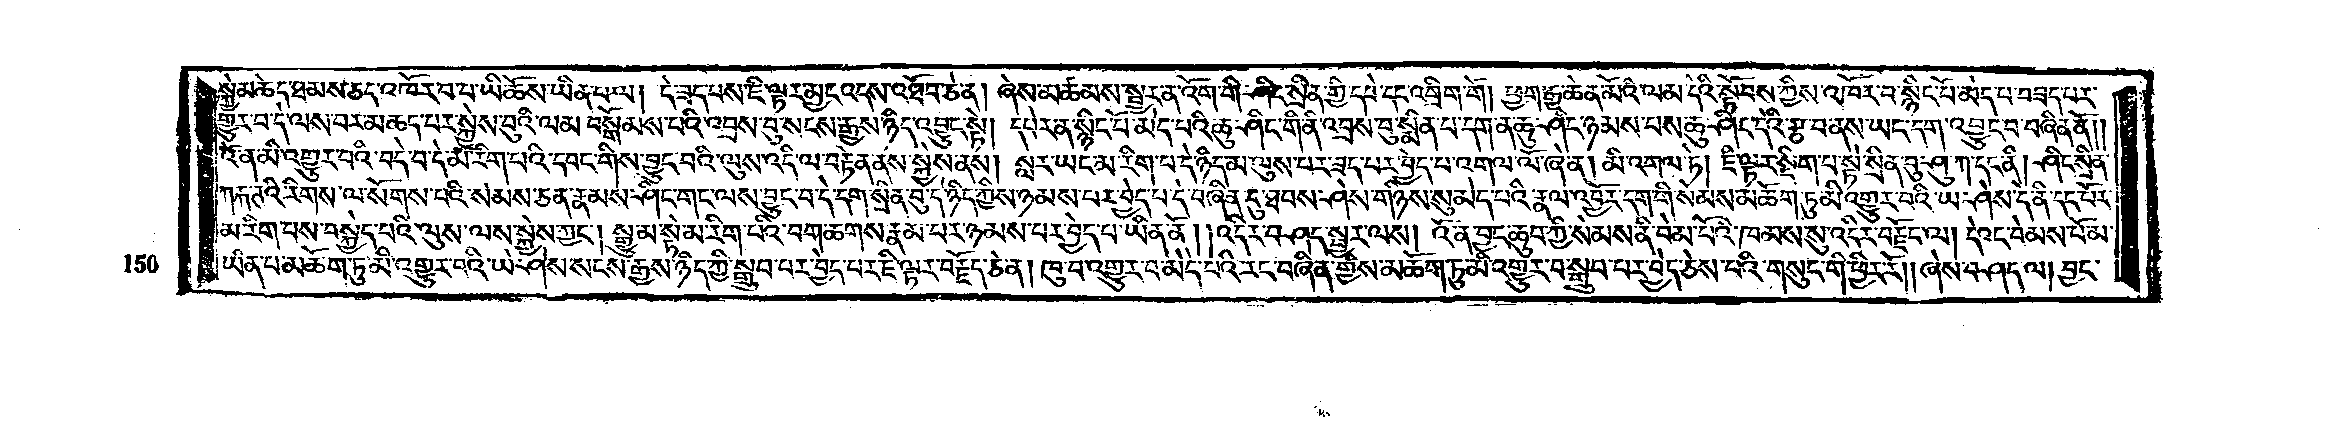སྐྱེ་མཆེད་ཐམས་ཅད་འཁོར་བ་པ་ཡི་ཆོས་ཡིན་པ་ལ། དེ་ཟད་པས་ཇི་ལྟར་མྱང་འདས་འཐོབ་ཅེ་ན། ཞེས་མཚམས་སྦྱར་ན་འོག་གི་ཤིང་སྲིན་གྱི་དཔེ་དང་འགྲིག་གོ། ཕྱག་རྒྱ་ཆེན་མོའི་ལམ་དེའི་སྟོབས་ཀྱིས་འཁོར་བ་སྙིང་པོ་མེད་པ་དེ་ཟད་པར་
གྱུར་བ་དེ་ལས་བར་མ་ཆད་པར་སྐྱེས་བུའི་ལམ་བསྒོམས་པའི་འབྲས་བུ་སངས་རྒྱས་ཉིད་འབྱུང་སྟེ། དཔེར་ན་སྙིང་པོ་མེད་པའི་ཆུ་ཤིང་གི་ནི་འབྲས་བུ་སྨིན་པ་དག་ན་ཆུ་ཤིང་ཉམས་པས་ཆུ་ཤིང་དེའི་རྩ་བ་ནས་ཡང་དག་འབྱུང་བ་བཞིན་ནོ། །
འོ་ན་མི་འགྱུར་བའི་བདེ་བ་དེ་མ་རིག་པའི་དབང་གིས་བྱུང་བའི་ལུས་འདི་ལ་བརྟེན་ནས་སྐྱེས་ནས། སླར་ཡང་མ་རིག་པ་དེ་ཉིད་ལ་ལུས་པ་ཟད་པར་བྱེད་པ་འགལ་ལོ་ཞེ་ན། མི་འགལ་ཏེ། ཇི་ལྟར་སྡིག་པ་སྟེ་སྲིན་བུ་ཤུ་ཀ་དང་ནི། ཤིང་སྲིན་
ཀརྐ་ཊའི་རིགས་ལ་སོགས་པའི་སེམས་ཅན་རྣམས་ཤིང་གང་ལས་བྱུང་བ་དེ་དག་སྲིན་བུ་དེ་ཉིད་ཀྱིས་ཉམས་པར་བྱེད་པ་དེ་བཞིན་དུ་ཐབས་ཤེས་གཉིས་སུ་མེད་པའི་རྣལ་འབྱོར་དག་གིས་སེམས་མཆོག་ཏུ་མི་འགྱུར་བའི་ཡེ་ཤེས་དེ་ནི་དང་པོར་
མ་རིག་པས་བསྐྱེད་པའི་ལུས་ལས་སྐྱེས་ཀྱང་། སྒྱུ་མ་སྟེ་མ་རིག་པའི་བག་ཆགས་རྣམ་པར་ཉམས་པར་བྱེད་པ་ཡིན་ནོ། །འདིར་བཤད་སྦྱར་ལས། འོ་ན་བྱང་ཆུབ་ཀྱི་སེམས་ནི་བེམ་པོའི་ཁམས་སུ་འདིར་བརྗོད་ལ། དེའང་བེམས་པོ་མ་
ཡིན་པ་མཆོག་ཏུ་མི་འགྱུར་བའི་ཡེ་ཤེས་སངས་རྒྱས་ཉིད་ཀྱི་སྒྲུབ་པར་བྱེད་པར་ཇི་ལྟར་བརྗོད་ཅེ་ན། ཁུ་བ་འགྱུར་བ་མེད་པའི་རང་བཞིན་གྱིས་མཆོག་ཏུ་མི་འགྱུར་བ་སྒྲུབ་པར་བྱེད་ཅེས་པའི་གསུང་གི་ཕྱིར་རོ། །ཞེས་བཤད་ལ། །བྱང་